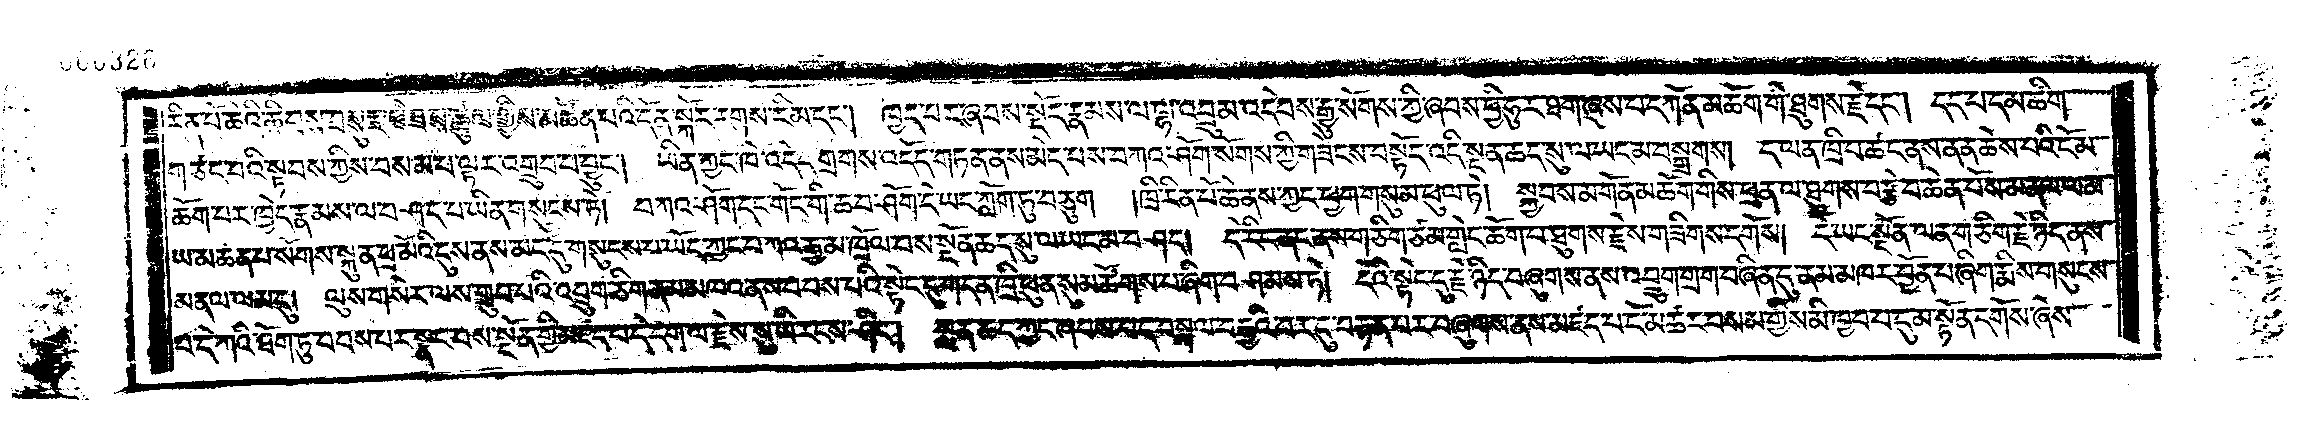རིན་པོ་ཆེའི་ཆིབས་བསུར་ཕེབས་ཚུལ་གྱིས་མཚོན་པའི་དོན་སྐོར་རགས་རིམ་དང་། ཁྱད་པར་ཞབས་སྡོད་རྣམས་ལ་ལྷ་འབྲུམ་འདེབས་རྒྱུ་སོགས་ཀྱི་ཞབས་ཕྱི་ཧུར་ཐག་ཞུས་པ་དཀོན་མཆོག་གི་ཐུགས་རྗེ་དང་། དད་པ་དམ་ཚིག་
གཙང་བའི་སྟབས་ཀྱིས་བསམ་པ་ལྟར་འགྲུབ་པ་བྱུང་། ཡིན་ཀྱང་ཁེ་འདོད་གྲགས་འདོད་གཏན་ནས་མེད་པས་བཀའ་ཤོག་སོགས་ཀྱི་གཟེངས་བསྟོད་འདི་སྔན་ཆད་སུ་ལ་ཡང་མ་བསྒྲགས། ད་ལན་ཁྲི་བ་ཚང་ནས་ནན་ཆེས་པའི་ངོ་མ་
ཆོག་པར་ཁྱེད་རྣམས་ལ་བཤད་པ་ཡིན་གསུངས་ཏེ། བཀའ་ཤོག་དང་གོང་གི་ཆབ་ཤོག་དེ་ཡང་ཀློག་ཏུ་བཅུག །ཁྲི་རིན་པོ་ཆེ་ནས་ཀྱང་ཕྱག་གསུམ་ཕུལ་ཏེ། སྐྱབས་མགོན་མཆོག་གིས་ཕྲན་ལ་ཐུགས་བརྩེ་བ་ཆེན་པོས་མནལ་ལམ་
ཡ་མཚན་པ་སོགས་སྐུ་ན་ཕྲ་མོའི་དུས་ནས་མང་དུ་གསུངས་པ་ཡོད་ཀྱང་བཀའ་རྒྱ་མ་ཁྲོལ་བས་སྔོན་ཆད་སུ་ལ་ཡང་མ་བཤད། དེ་རིང་ནང་ནས་གཅིག་ཙམ་གླེང་ཆོག་པ་ཐུགས་རྗེས་གཟིགས་དགོས། དེ་ཡང་སྔོན་ལན་གཅིག་རྗེ་ཉིད་ནས་
མནལ་ལམ་དུ། ལུས་གསེར་ལས་གྲུབ་པའི་འབྲུག་ཅིག་ནམ་མཁའ་ནས་བབས་པའི་སྟེང་དུ་གདན་ཁྲི་ཕུན་སུམ་ཚོགས་པ་ཞིག་བཤམས་ཏེ། དེའི་སྟེང་དུ་རྗེ་ཉིད་བཞུགས་ནས་འབྲུག་གྲག་བཞིན་དུ་ནམ་མཁར་བྱོན་པ་ཞིག་རྨིས་གསུངས་
པ་དེ་ཀའི་ཐོག་ཏུ་བབས་པར་སྣང་བས་སྔོན་གྱི་མཛད་པ་དེ་དག་ལ་རྗེས་སུ་ཡི་རངས་ཤིང་། སླན་ཆད་ཀྱང་ཞབས་པད་བསྐལ་བརྒྱའི་བར་དུ་བརྟན་པར་བཞུགས་ནས་མཛད་པ་ངོ་མཚར་བསམ་གྱིས་མི་ཁྱབ་པ་དུ་མ་སྟོན་དགོས་ཞེས་